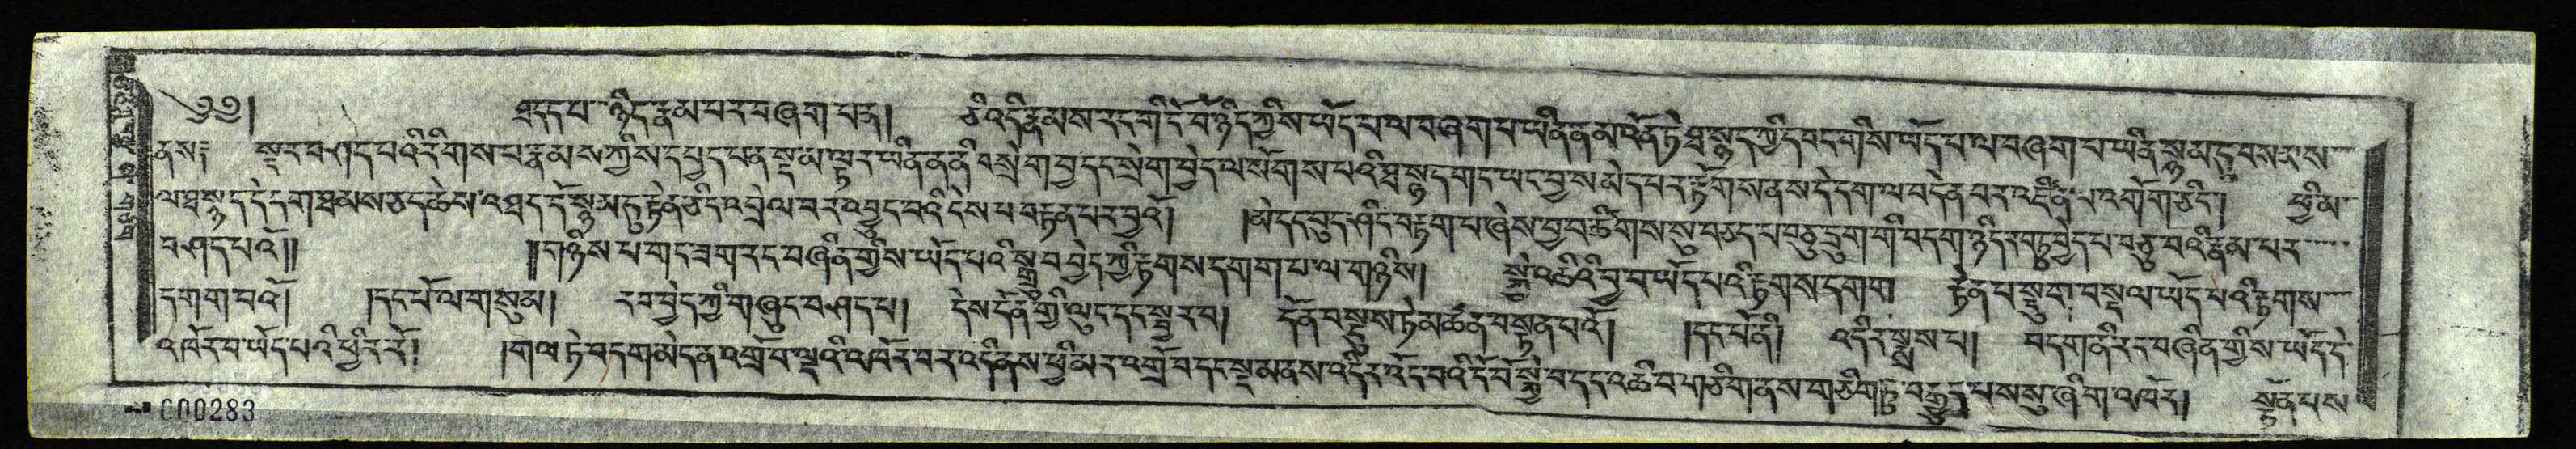༄༅། །ཐ་དད་པ་ཉིད་རྣམ་པར་བཞག་པ་ན། ཅི་འདི་རྣམས་རང་གི་ངོ་བོ་ཉིད་ཀྱིས་ཡོད་པ་ལ་བཞག་པ་ཡིན་ན་མ་འོན་ཏེ་ཐ་སྙད་ཀྱི་དབང་གིས་ཡོད་པ་ལ་བཞག་པ་ཡིན་སྙམ་དུ་བསམས་
ནས༑ སྔར་བཤད་པའི་རིགས་པ་རྣམས་ཀྱིས་དཔྱད་པ་ན་སྔ་མ་ལྟར་ཡིན་ན་ནི་བསྲེག་བྱ་དང་སྲེག་བྱེད་ལ་སོགས་པའི་ཐ་སྙད་གང་ཡང་བྱ་ས་མེད་པར་རྟོགས་ནས་དེ་དག་ལ་བདེན་པར་འཛིན་པ་འགོག་ཅིང་། ཕྱི་མ་
ལ་ཐ་སྙད་དེ་དག་ཐམས་ཅད་ཆེས་འཐད་དོ་སྙམ་དུ་རྟེན་ཅིང་འབྲེལ་བར་འབྱུང་བའི་ངེས་པ་བརྟན་པར་བྱའོ། །མེ་དང་བུད་ཤིང་བརྟག་པ་ཞེས་བྱ་བ་ཚིགས་སུ་བཅད་པ་བཅུ་དྲུག་གི་བདག་ཉིད་རབ་ཏུ་བྱེད་པ་བཅུ་བའི་རྣམ་པར་
བཤད་པའོ།། །།གཉིས་པ་གང་ཟག་རང་བཞིན་གྱིས་ཡོད་པའི་སྒྲུབ་བྱེད་ཀྱི་རྟགས་དགག་པ་ལ་གཉིས། སྐྱེ་འཆིའི་བྱ་བ་ཡོད་པའི་རྟགས་དགག་རྟེན་པ་སྡུག་བསྔལ་ཡོད་པའི་རྟགས་
དགག་བའོ། །དང་པོ་ལ་གསུམ། རབ་བྱེད་ཀྱི་གཞུང་བཤད་པ། དེས་དོན་གྱི་ལུང་དང་སྦྱར་བ། དོན་བསྡུས་ཏེ་མཚན་བསྟན་པའོ། །དང་པོ་ནི། འདིར་སྨྲས་པ། བདག་ནི་རང་བཞིན་གྱིས་ཡོད་དེ་
འཁོར་བ་ཡོད་པའི་ཕྱིར་རོ། །གལ་ཏེ་བདག་མེད་ན་འགྲོ་བ་ལྔའི་འཁོར་བར་འདི་ནས་ཕྱི་མར་འགྲོ་བ་དང་སྔ་མ་ནས་འདིར་འོང་བའི་ངོ་བོ་སྐྱེ་བ་དང་འཆི་བ་གཅིག་ནས་གཅིག་ཏུ་བརྒྱུད་པས་སུ་ཞིག་འཁོར། སྟོན་པས་